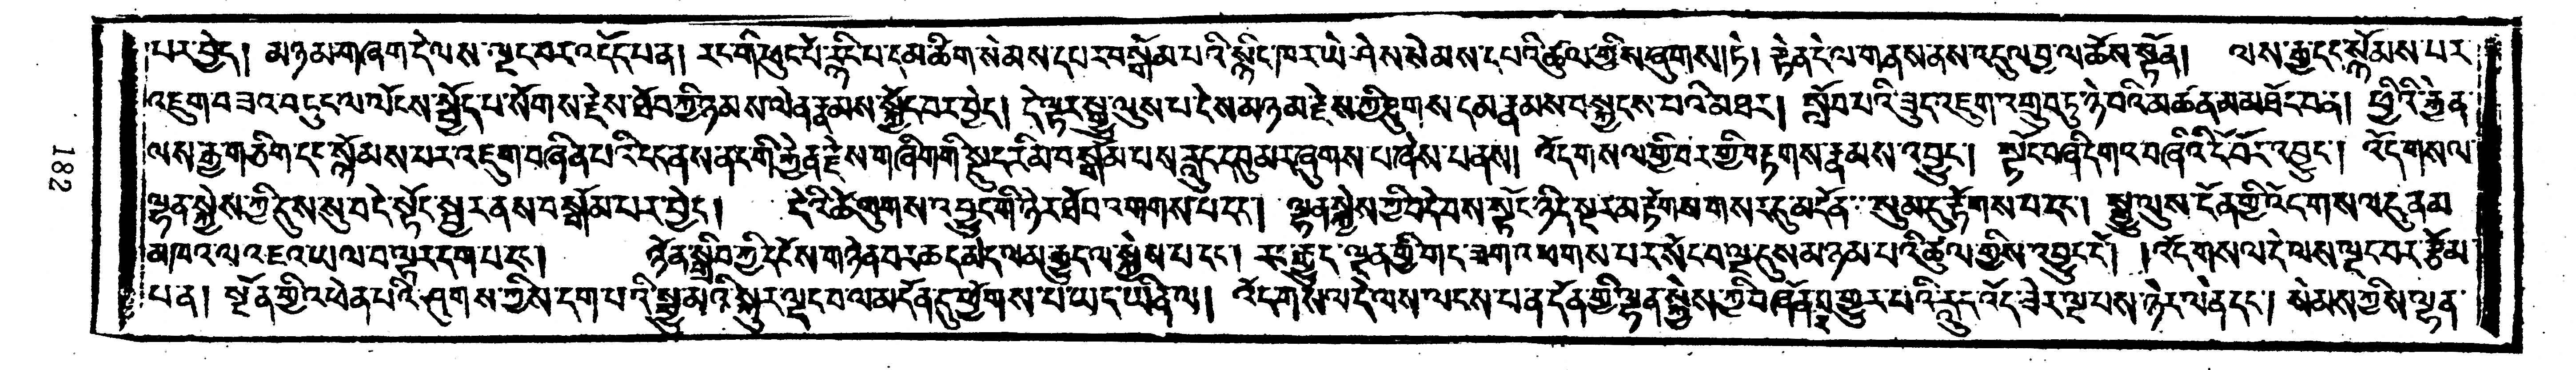པར་བྱེད། མཉམ་གཞག་དེ་ལས་ལྡང་བར་འདོད་པ་ན། རང་གི་ཕུང་པོ་རྙིང་པ་དམ་ཚིག་སེམས་དཔར་བསྒོམ་པའི་སྙིང་ཁར་ཡེ་ཤེས་སེམས་དཔའི་ཚུལ་གྱིས་ཞུགས། ཏེ། རྟེན་དེ་ལ་གནས་ནས་འདུལ་བྱ་ལ་ཆོས་སྟོན། ལས་རྒྱ་དང་སྙོམས་པར་
འཇུག་བཟའ་བཏུང་ལ་ལོངས་སྤྱོད་པ་སོགས་རྗེས་ཐོབ་ཀྱི་ཉམས་ལེན་རྣམས་སྐྱོད་བར་བྱེད། དེ་ལྟར་སྒྱུ་ལུས་པ་ངེས་མཉམ་རྗེས་ཀྱི་ཐུགས་དམ་རྣམས་བསྐྱངས་པའི་མཐར། སློབ་པའི་ཟུད་འཇུག་འགྲུབ་ཏུ་ཉེ་བའི་མཚན་མ་མཐོང་བ་ན། ཕྱིའི་རྐྱེན་
ལས་རྒྱ་གཅིག་དང་སྙོམས་པར་འཇུག་བཞིན་པའི་ངང་ནས་ནང་གི་རྐྱེན་རྗེས་གཞིག་གི་སྡུད་རིམ་བསྒོམ་པས་རླུང་དབུ་མར་ཞུགས་པ་ཞེས་པ་ནས། འོད་གསལ་གྱི་བར་གྱི་བརྟགས་རྣམས་འབྱུང་། སྟོང་བཞི་དགའ་བཞིའི་ངོ་བོར་འབྱུང་། འོད་གསལ་
ལྷན་སྐྱེས་ཀྱི་དུས་སུ་བདེ་སྟོང་སྦྱར་ནས་བསྒོམ་པར་བྱེད། དེའི་ཚེ་ལུགས་འབྱུང་གི་ཉེར་ཐོབ་འགགས་པ་དང་། ལྷན་སྐྱེས་ཀྱི་བདེ་བས་སྟོང་ཉིད་སྔར་མ་རྟོགས་གསར་དུ་མངོན་སུམ་དུ་རྟོགས་པ་དང་། སྒྱུ་ལུས་དོན་གྱི་འོད་གསལ་དུ་ནམ་
མཁའ་ལ་འཇའ་ཡལ་བ་ལྟར་དག་པ་དང་། ཉོན་སྒྲིབ་ཀྱི་དངོས་གཉེན་བར་ཆད་མེད་ལམ་རྒྱུད་ལ་སྐྱེས་པ་དང་། རང་རྒྱུད་ལྡན་གྱི་གང་ཟག་འཕགས་པར་སོང་བ་ལྔ་དུས་མཉམ་པའི་ཚུལ་གྱིས་འབྱུང་ངོ། །འོད་གསལ་དེ་ལས་ལྡང་བར་རྩོམ་
པ་ན། སྔོན་གྱི་འཕེན་པའི་ཤུགས་ཀྱིས་དག་པའི་སྒྱུ་མའི་སྐུར་ལྡང་བ་ལ་མངོན་དུ་ཕྱོགས་པ་ཡང་ཡིན་ལ། འོད་གསལ་དེ་ལས་ལངས་པ་ན་དོན་གྱི་ལྷན་སྐྱེས་ཀྱི་བཞོན་པར་གྱུར་པའི་རླུང་འོད་ཟེར་ལྔ་པས་ཉེར་ལེན་དང་། སེམས་ཀྱིས་ལྷན་